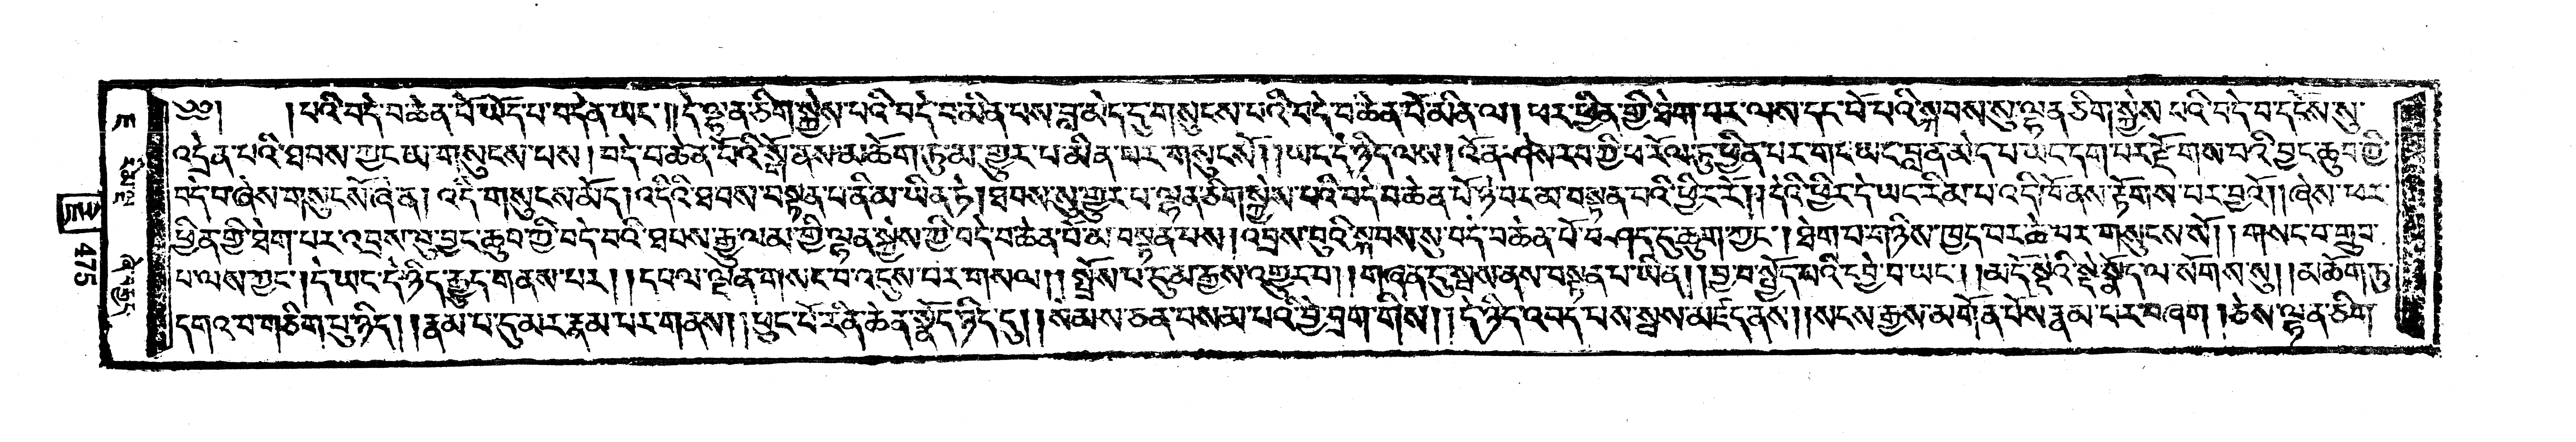༄༅། །པའི་བདེ་བ་ཆེན་པོ་ཡོད་པ་བདེན་ཡང་། དེ་ལྷན་ཅིག་སྐྱེས་པའི་བདེ་བ་མིན་པས་བླ་མེད་དུ་གསུངས་པའི་བདེ་བ་ཆེན་པོ་མིན་ལ། ཕར་ཕྱིན་གྱི་ཐེག་པར་ལས་དང་པོ་པའི་སྐབས་སུ་ལྷན་ཅིག་སྐྱེས་པའི་བདེ་བ་དངོས་སུ་
འདྲེན་པའི་ཐབས་ཀྱང་མ་གསུངས་པས། བདེ་བ་ཆེན་པོའི་སྒོ་ནས་མཆོག་ཏུ་མ་གྱུར་པ་མིན་པར་གསུངས་སོ། །ཡང་དེ་ཉིད་ལས། འོ་ན་ཤེས་རབ་ཀྱི་ཕ་རོལ་ཏུ་ཕྱིན་པར་གང་ཡང་བླ་ན་མེད་པ་ཡང་དག་པར་རྫོགས་པའི་བྱང་ཆུབ་ཀྱི་
བདེ་བ་ཞེས་གསུངས་སོ་ཞེ་ན། འདི་གསུངས་མོད། འདིའི་ཐབས་བསྟན་པ་ནི་མ་ཡིན་ཏེ། ཐབས་སུ་གྱུར་པ་ལྷན་ཅིག་སྐྱེས་པའི་བདེ་བ་ཆེན་པོ་ཉེ་བར་མ་བསྟན་པའི་ཕྱིར་རོ། །དེའི་ཕྱིར་དེ་ཡང་རིམ་པ་འདི་ཁོ་ནས་རྟོགས་པར་བྱའོ། །ཞེས་ཕར་
ཕྱིན་གྱི་ཐེག་པར་འབྲས་བུ་བྱང་ཆུབ་ཀྱི་བདེ་བའི་ཐབས་རྒྱུ་ལམ་གྱི་ལྷན་སྐྱེས་ཀྱི་བདེ་བ་ཆེན་པོ་མ་བསྟན་པས། འབྲས་བུའི་སྐབས་སུ་བདེ་བ་ཆེན་པོ་བཤད་དུ་ཆུག་ཀྱང་། ཐེག་པ་གཉིས་ཁྱད་པར་ཆེ་བར་གསུངས་སོ། །གསང་བ་གྲུབ་
པ་ལས་ཀྱང་། དེ་ཡང་དེ་ཉིད་རྒྱུད་གནས་པར། །དཔལ་ལྡན་གསང་ཡང་རིམ་པ་འདི་ཁོ་ནས་རྟོགས་པར་བྱའོ། །ཞེས་ཕར་ཕྱིན་གྱི་སྦས་ནས་བསྟན་པ་ཡིན། །བྱ་བ་སྤྱོད་པའི་དབྱེ་བ་ཡང་། །མདོ་སྡེའི་སྡེ་སྣོད་ལ་སོགས་སུ། །མཆོག་ཏུ་
དགའ་བ་གཅིག་པུ་ཉིད། །རྣམ་པར་དུ་མར་རྣམ་པར་གནས། །ཕུང་པོ་རིན་ཆེན་སྣོད་ཉིད་དུ། །སེམས་ཅན་བསམ་པའི་བྱེ་བྲག་གིས། །དེ་ཉིད་འབད་པས་སྦས་མཛད་ནས། །སངས་རྒྱས་མགོན་པོས་རྣམ་པར་བཞག །ཅེས་ལྷན་ཅིག་